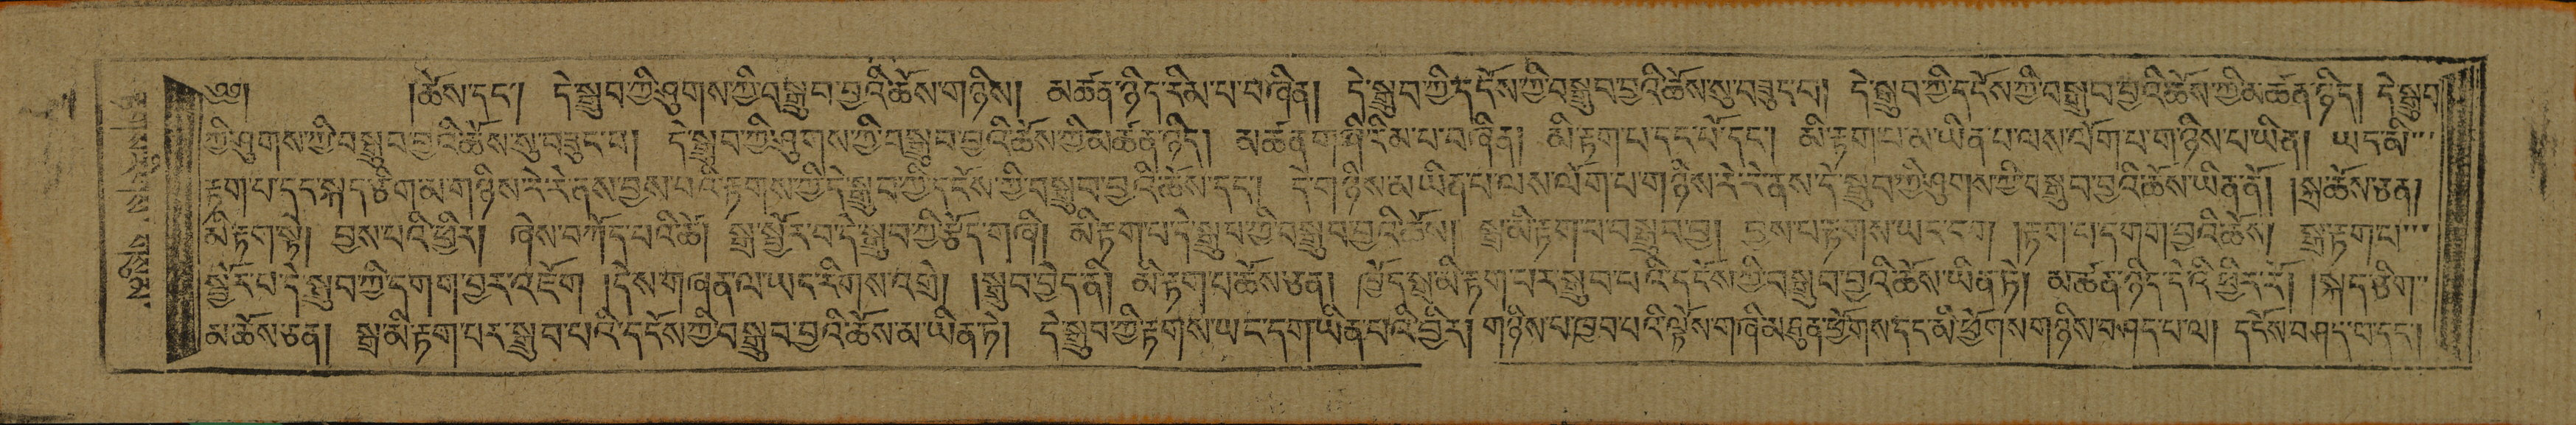༄༅། །ཆོས་དང་། དེ་སྒྲུབ་ཀྱི་ཤུགས་ཀྱི་བསྒྲུབ་བྱའི་ཆོས་གཉིས། མཚན་ཉིད་རིམ་པ་བཞིན། དེ་སྒྲུབ་ཀྱི་དངོས་ཀྱི་བསྒྲུབ་བྱའི་ཆོས་སུ་བཟུང་བ། དེ་སྒྲུབ་ཀྱི་དངོས་ཀྱི་བསྒྲུབ་བྱའི་ཆོས་ཀྱི་མཚན་ཉིད། དེ་སྒྲུབ་
ཀྱི་ཤུགས་ཀྱི་བསྒྲུབ་བྱའི་ཆོས་སུ་བཟུང་བ། དེ་སྒྲུབ་ཀྱི་ཤུགས་ཀྱི་བསྒྲུབ་བྱའི་ཆོས་ཀྱི་མཚན་ཉིད། མཚན་གཞི་རིམ་པ་བཞིན། མི་རྟག་པ་དང་པོ་དང་། མི་རྟག་པ་མ་ཡིན་པ་ལས་ལོག་པ་གཉིས་པ་ཡིན། ཡང་མི་
རྟག་པ་དང་སྐད་ཅིག་མ་གཉིས་རེ་རེ་ནས་བྱས་པའི་རྟགས་ཀྱི་དེ་སྒྲུབ་ཀྱི་དངོས་ཀྱི་བསྒྲུབ་བྱའི་ཆོས་དང་། དེ་གཉིས་མ་ཡིན་པ་ལས་ལོག་པ་གཉིས་རེ་རེ་ནས་དེ་སྒྲུབ་ཀྱི་ཤུགས་ཀྱི་བསྒྲུབ་བྱའི་ཆོས་ཡིན་ནོ། །སྒྲ་ཆོས་ཅན།
མི་རྟག་སྟེ། བྱས་པའི་ཕྱིར། ཞེས་བཀོད་པའི་ཚེ། སྒྲ་སྦྱོར་བ་དེ་སྒྲུབ་ཀྱི་རྩོད་གཞི། མི་རྟག་པ་དེ་སྒྲུབ་ཀྱི་བསྒྲུབ་བྱའི་ཆོས། སྒྲ་མི་རྟག་པ་བསྒྲུབ་བྱ། བྱས་པ་རྟགས་ཡང་དག །རྟག་པ་དགག་བྱའི་ཆོས། སྒྲ་རྟག་པ་
སྦྱོར་བ་དེ་སྒྲུབ་ཀྱི་དགག་བྱར་འཇོག །དེས་གཞན་ལ་ཡང་རིགས་འགྲེ། །སྒྲུབ་བྱེད་ནི། མི་རྟག་པ་ཆོས་ཅན། ཁྱོད་སྒྲ་མི་རྟག་པར་སྒྲུབ་པའི་དངོས་ཀྱི་བསྒྲུབ་བྱའི་ཆོས་ཡིན་ཏེ། མཚན་ཉིད་དེའི་ཕྱིར་རོ། །སྐད་ཅིག་
མ་ཆོས་ཅན། སྒྲ་མི་རྟག་པར་སྒྲུབ་པའི་དངོས་ཀྱི་བསྒྲུབ་བྱའི་ཆོས་མ་ཡིན་ཏེ། དེ་སྒྲུབ་ཀྱི་རྟགས་ཡང་དག་ཡིན་པའི་ཕྱིར། གཉིས་པ་ཁྱབ་པའི་ལྟོས་གཞི་མཐུན་ཕྱོགས་དང་མི་ཕྱོགས་གཉིས་བཤད་པ་ལ། དངོས་བཤད་པ་དང་།